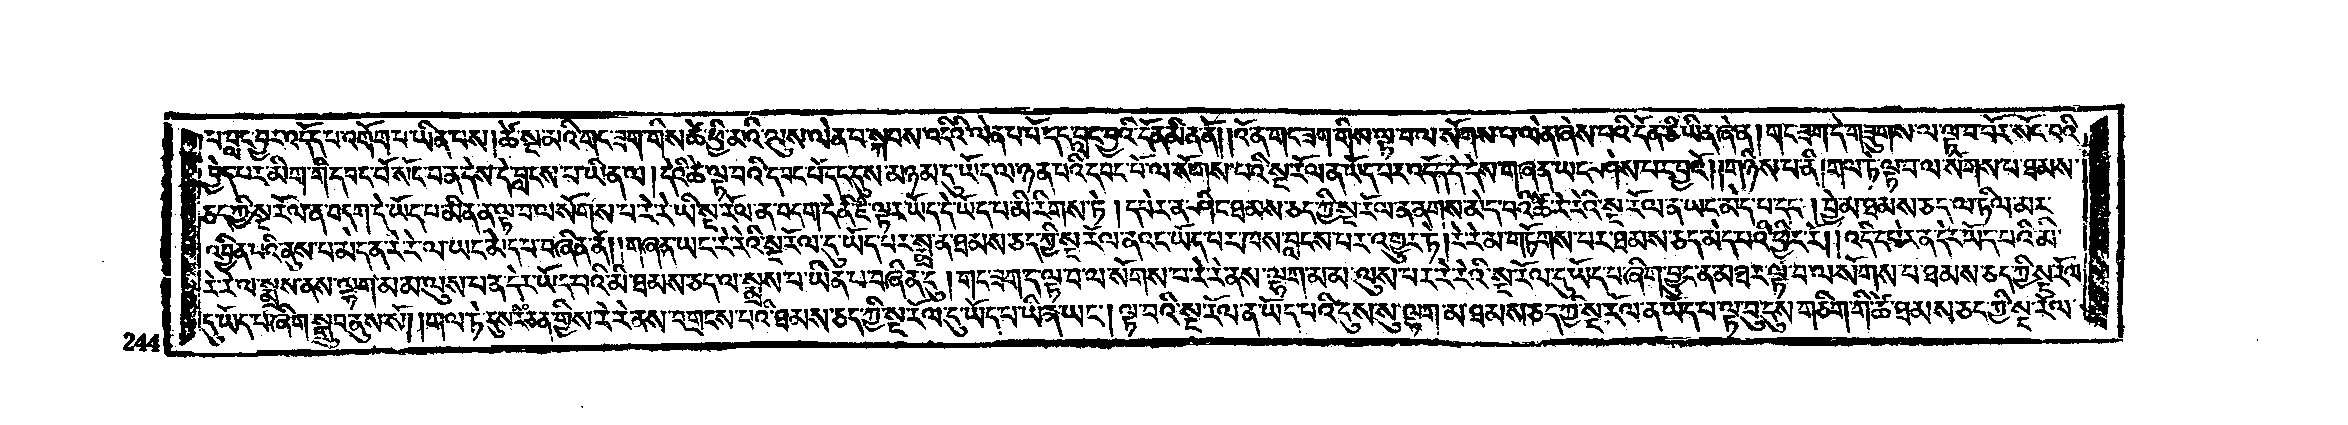པ་བླང་བྱར་འདོད་པ་འགོག་པ་ཡིན་པས། ཚེ་སྔ་མའི་གང་ཟག་གིས་ཚེ་ཕྱི་མའི་ལུས་ལེན་པ་སྐབས་འདིའི་ལེན་པ་པོ་དང་བླང་བྱའི་དོན་མིན་ནོ། །འོ་ན་གང་ཟག་གིས་ལྟ་བ་ལ་སོགས་པ་ལེན་ཞེས་པའི་དོན་ཅི་ཡིན་ཞེ་ན། གང་ཟག་དེ་གཟུགས་ལ་ལྟ་བ་པོར་སོང་བའི་
བྱེད་པར་མིག་གི་དབང་པོ་སོང་བ་ན་དེས་དེ་བླངས་པ་ཡིན་ལ། དེའི་ཚེ་ལྟ་བའི་དབང་པོ་དང་དུས་མཉམ་དུ་ཡོད་ལ་ཉམ་པའི་དབང་པོ་ལ་སོགས་པའི་སྔ་རོལ་ན་ཡོད་པར་འདོད་དེ་དེས་གཞན་ཡང་ཤེས་པར་བྱའོ། །གཉིས་པ་ནི། གལ་ཏེ་ལྟ་བ་ལ་སོགས་པ་ཐམས་
ཅད་ཀྱི་སྔ་རོལ་ན་བདག་དེ་ཡོད་པ་མིན་ན་ལྟ་བ་ལ་སོགས་པ་རེ་རེ་ཡི་སྔ་རོལ་ན་བདག་དེ་ནི་ཇི་ལྟར་ཡོད་དེ་ཡོད་པ་མི་རིགས་ཏེ། དཔེར་ན་ཤིང་ཐམས་ཅད་ཀྱི་སྔ་རོལ་ན་ནགས་མེད་པའི་ཚེ་རེ་རེའི་སྔ་རོལ་ན་ཡང་མེད་པ་དང་། བྱེ་མ་ཐམས་ཅད་ལ་ཏིལ་མར་འབྱིན་པའི་ནུས་པ་མེད་ན་རེ་རེ་ལ་ཡང་མེད་པ་བཞིན་ནོ། །གཞན་ཡང་རེ་རེའི་སྔ་རོལ་དུ་ཡོད་པར་སྨྲ་ན་ཐམས་ཅད་ཀྱི་སྔ་རོལ་ནའང་ཡོད་པར་ཁས་བླངས་པར་འགྱུར་ཏེ། རེ་རེ་མ་གཏོགས་པར་ཐམས་ཅད་མེད་པའི་ཕྱིར་རོ། །འདི་དཔེར་ན་དེར་ཡོད་པའི་མི་
རེ་རེ་ལ་སྨྲས་ནས་ལྷག་མ་མ་ལུས་པ་ན་དེར་ཡོད་པའི་མི་ཐམས་ཅད་ལ་སྨྲས་པ་ཡིན་པ་བཞིན་དུ། གང་ཟག་ད་ལྟ་བ་ལ་སོགས་པ་རེ་རེ་ནས་ལྷག་མ་མ་ལུས་པར་རེ་རེའི་སྔ་རོལ་དུ་ཡོད་པ་ཞིག་བྱང་ན་མཐར་ལྟ་བ་ལ་སོགས་པ་ཐམས་ཅད་ཀྱི་ས་རོལ་
དུ་ཡོད་པ་ཞིག་སྒྲུབ་ནུས་སོ། །གལ་ཏེ་དུས་རིཾ་ཅན་གྱིས་རེ་རེ་ནས་བགྲངས་པའི་ཐམས་ཅད་ཀྱི་སྔ་རོལ་དུ་ཡོད་པ་ཡིན་ཡང་། ལྟ་བའི་སྔ་རོལ་ན་ཡོད་པའི་དུས་སུ་ལྷག་མ་ཐམས་ཅད་ཀྱི་སྔ་རོལ་ན་ཡོད་པ་ལྟ་བུ་དུས་གཅིག་གི་ཚེ་ཐམས་ཅད་ཀྱི་སྔ་རོལ་